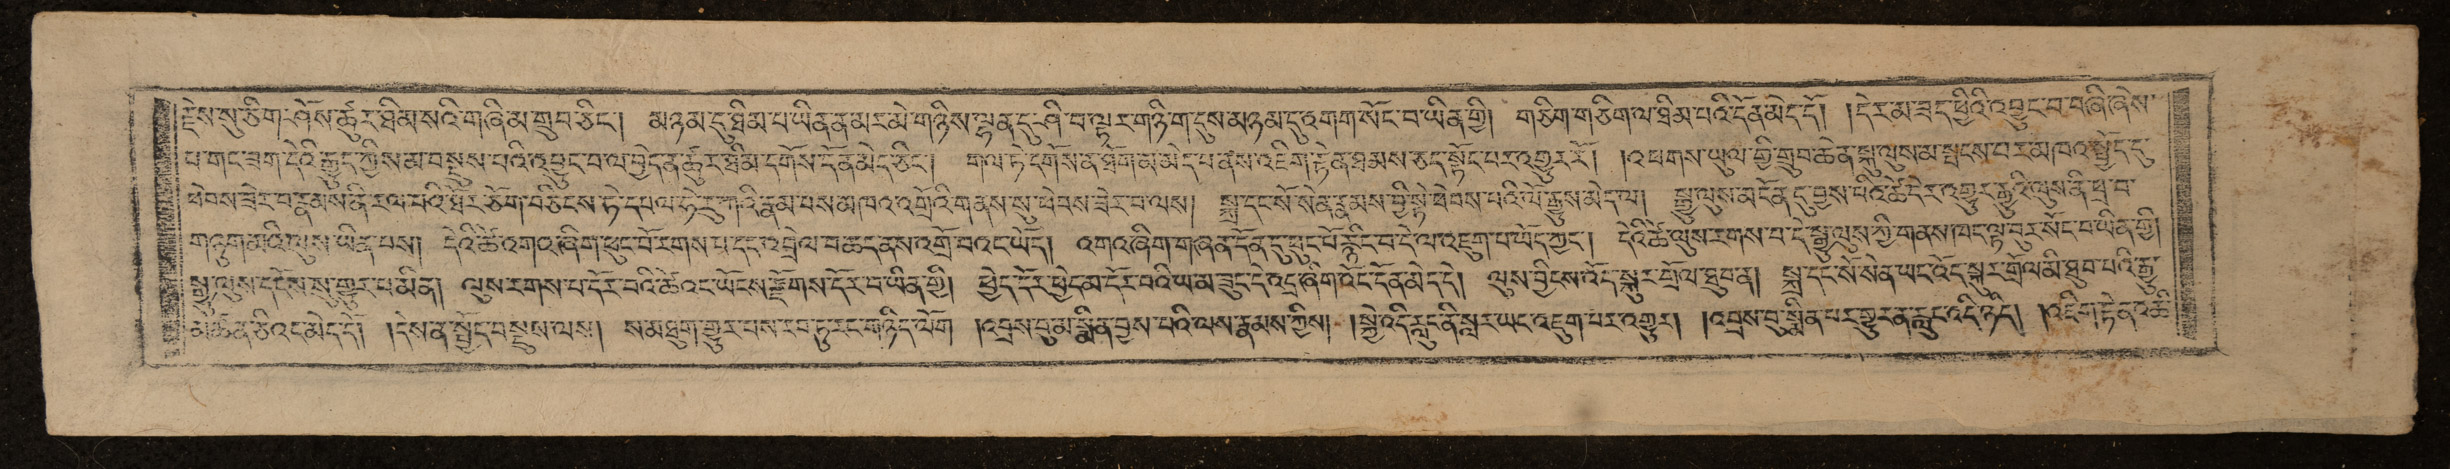རྗེས་སུ་ཅིག་ཤོས་ཚུར་ཐིམས་རི་གཞི་མ་གྲུབ་ཅིང་། མཉམ་དུ་ཐིམ་པ་ཡིན་ན་མར་མེ་གཉིས་ལྷན་དུ་ཤི་བ་ལྟར་གཉི་གདུས་མཉམ་དུ་འགག་སོང་བ་ཡིན་གྱི། གཅིག་གཅིག་ལ་ཐིམ་པའི་དོན་མེད་དོ། །དེར་མ་ཟད་ཕྱིའི་འབྱུང་བ་བཞི་ཞེས་
པ་གང་ཟག་དེའི་རྒྱུད་ཀྱིས་མ་བསྡུས་བའི་འབྱུང་བ་ལ་བྱེད་ན་ཚུར་ཐིམ་དགོས་དོན་མེད་ཅིང་། གལ་ཏེ་དགོས་ན་ཐོག་མ་མེད་པ་ནས་འཇིག་རྟེན་ཐམས་ཅད་སྟོང་པར་འགྱུར་རོ། །འཕགས་ཡུལ་གྱི་གྲུབ་ཆེན་སྐུ་ལུས་མ་སྤངས་པར་མཁའ་སྤྱོད་དུ་
ཕེབས་ཟེར་བ་རྣམས་ནི་རལ་པའི་ཐོར་ཅོག་བཅིངས་ཏེ་དཔལ་ཧེ་རུ་ཀའི་རྣམ་པས་མཁའ་འགྲོའི་གནས་སུ་ཕངས་ཟེར་བ་ལས། སྐྲ་དང་སོ་སེན་རྣམས་བྱི་སྟེ་ཕེབས་པའི་ལོ་རྒྱུས་མེད་ལ། སྒྱུ་ལུས་མངོན་དུ་བྱས་པའི་ཚེ་དེར་འགྱུར་རྒྱུའི་ལུས་ནི་ཕྲ་བ་
གཉུག་མའི་ལུས་མིན་པས། དེའི་ཚེ་འགའ་ཞིག་ཕུང་པོ་རགས་པ་དང་འབྲེལ་བ་ཆད་ནས་འགྲོ་བའང་ཡོད། འགའ་ཞིག་གཞན་དོན་དུ་ཕུང་པོ་རྙིང་པ་དེ་ལ་འཇུག་པ་ཡོད་ཀྱང་། དེའི་ཚེ་ལུས་རགས་པ་དེ་སྒྱུ་ལུས་ཀྱི་གནས་ཁང་ལྟ་བུར་སོང་བ་ཡིན་གྱི།
སྒྱུ་ལུས་དངོས་སུ་གྱུར་བ་མིན། ལུས་རགས་པ་དོར་བའི་ཚེའང་ཡོངས་རྫོགས་དོར་བ་ཡིན་གྱི། ཕྱེད་དོར་ཕྱེད་མདོར་བའི་ཡམ་ཟུང་དེ་འདྲ་ཞིག་འོང་དོན་མེད་དེ། ལུས་བྱིངས་འོད་སྐུར་གྲོལ་ཐུབ་ན། སྐྲ་དང་སོ་སེན་ཡང་འོད་སྐུར་གྲོལ་མི་ཐུབ་པའི་རྒྱུ་
མཚན་ཅིའང་མེད་དོ། །དེས་ན་སྦྱོད་བསྡུས་ལས། ས་མ་ཐུག་གྱུར་པས་རབ་ཏུ་རང་གཉིད་ལོག །འབྲས་བུ་མ་སྨིན་བྱས་པའི་ལས་རྣམས་ཀྱིས། །སྐྱེ་འདི་རླུང་ནི་སླར་ཡང་འཇུག་པར་འགྱུར། །འབྲས་བུ་སྨིན་པར་གྱུར་ན་རླུང་འདི་ཉིད། །འཇིག་རྟེན་འཆི་